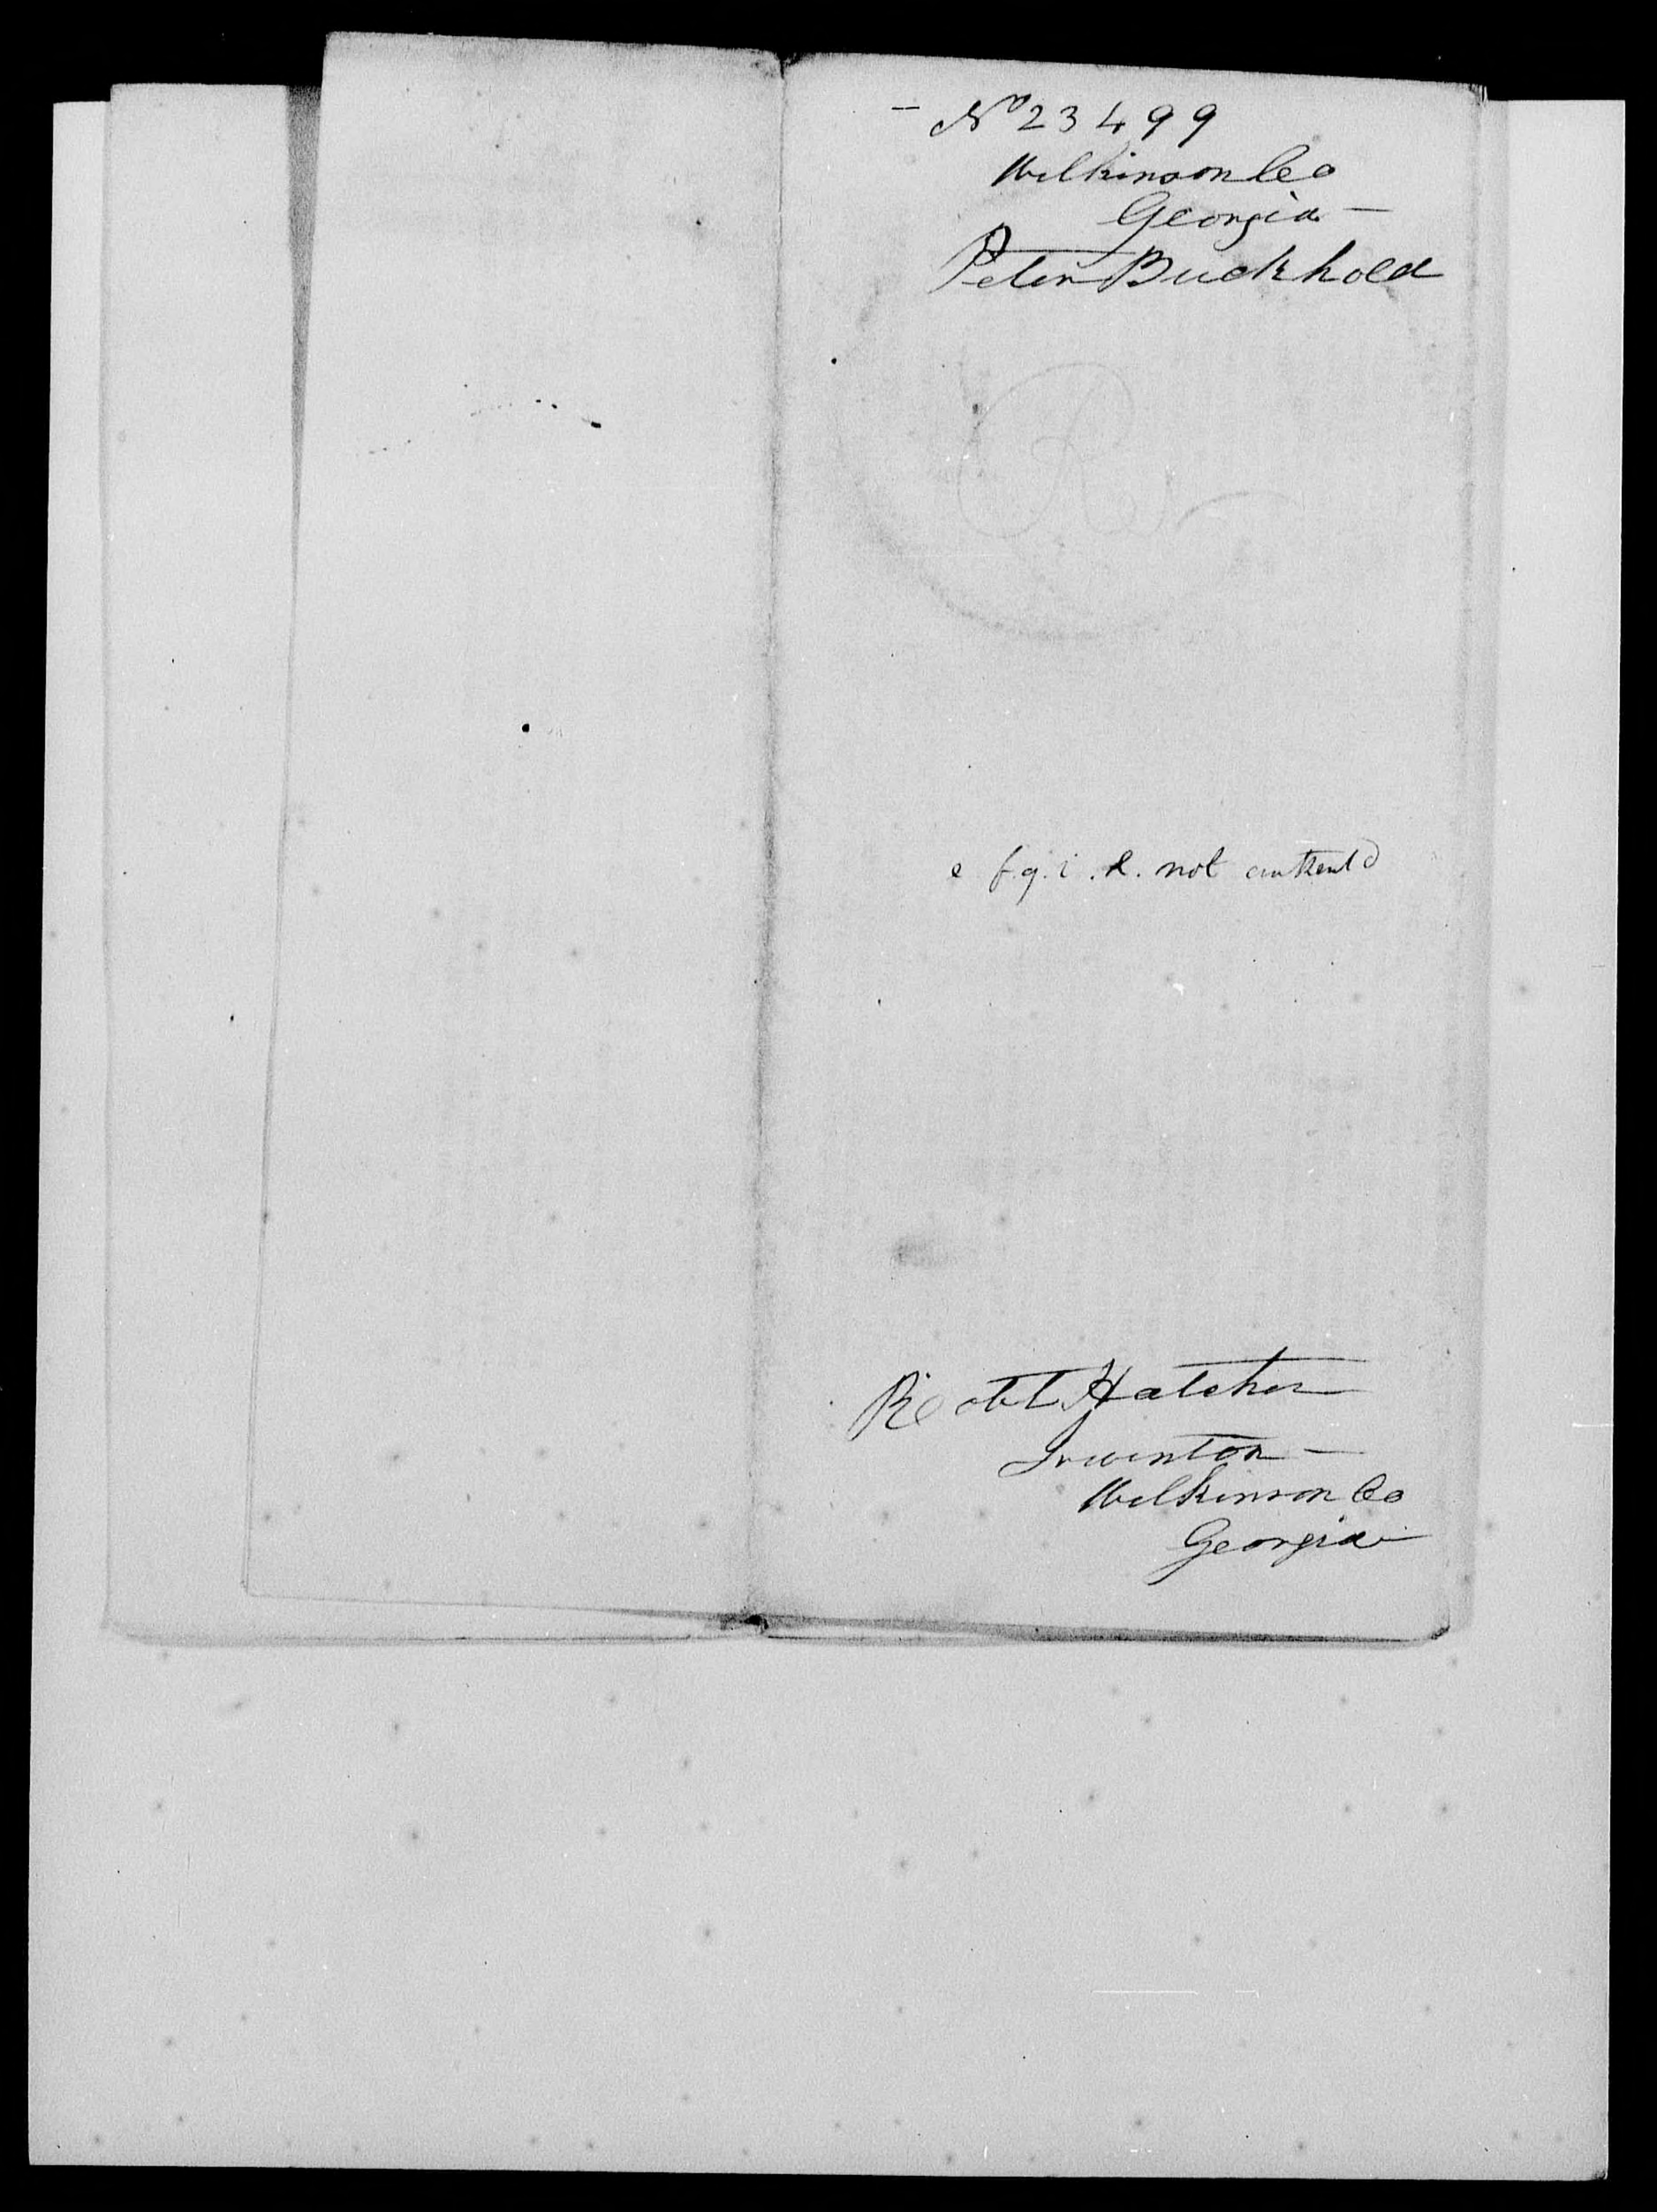- No 23499
       Wilkinson Co
                  Georgia -
Peter Buckhold(sp?)

e  f.g.i.d. not [illegible]

Robert Hatcher
Irwinton -
Wilkinson Co
Georgia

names: Robt Hatcher, Peter Buckhold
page: 2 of 23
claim: rejected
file: R. 1465, Peter Buckholts, S.C.